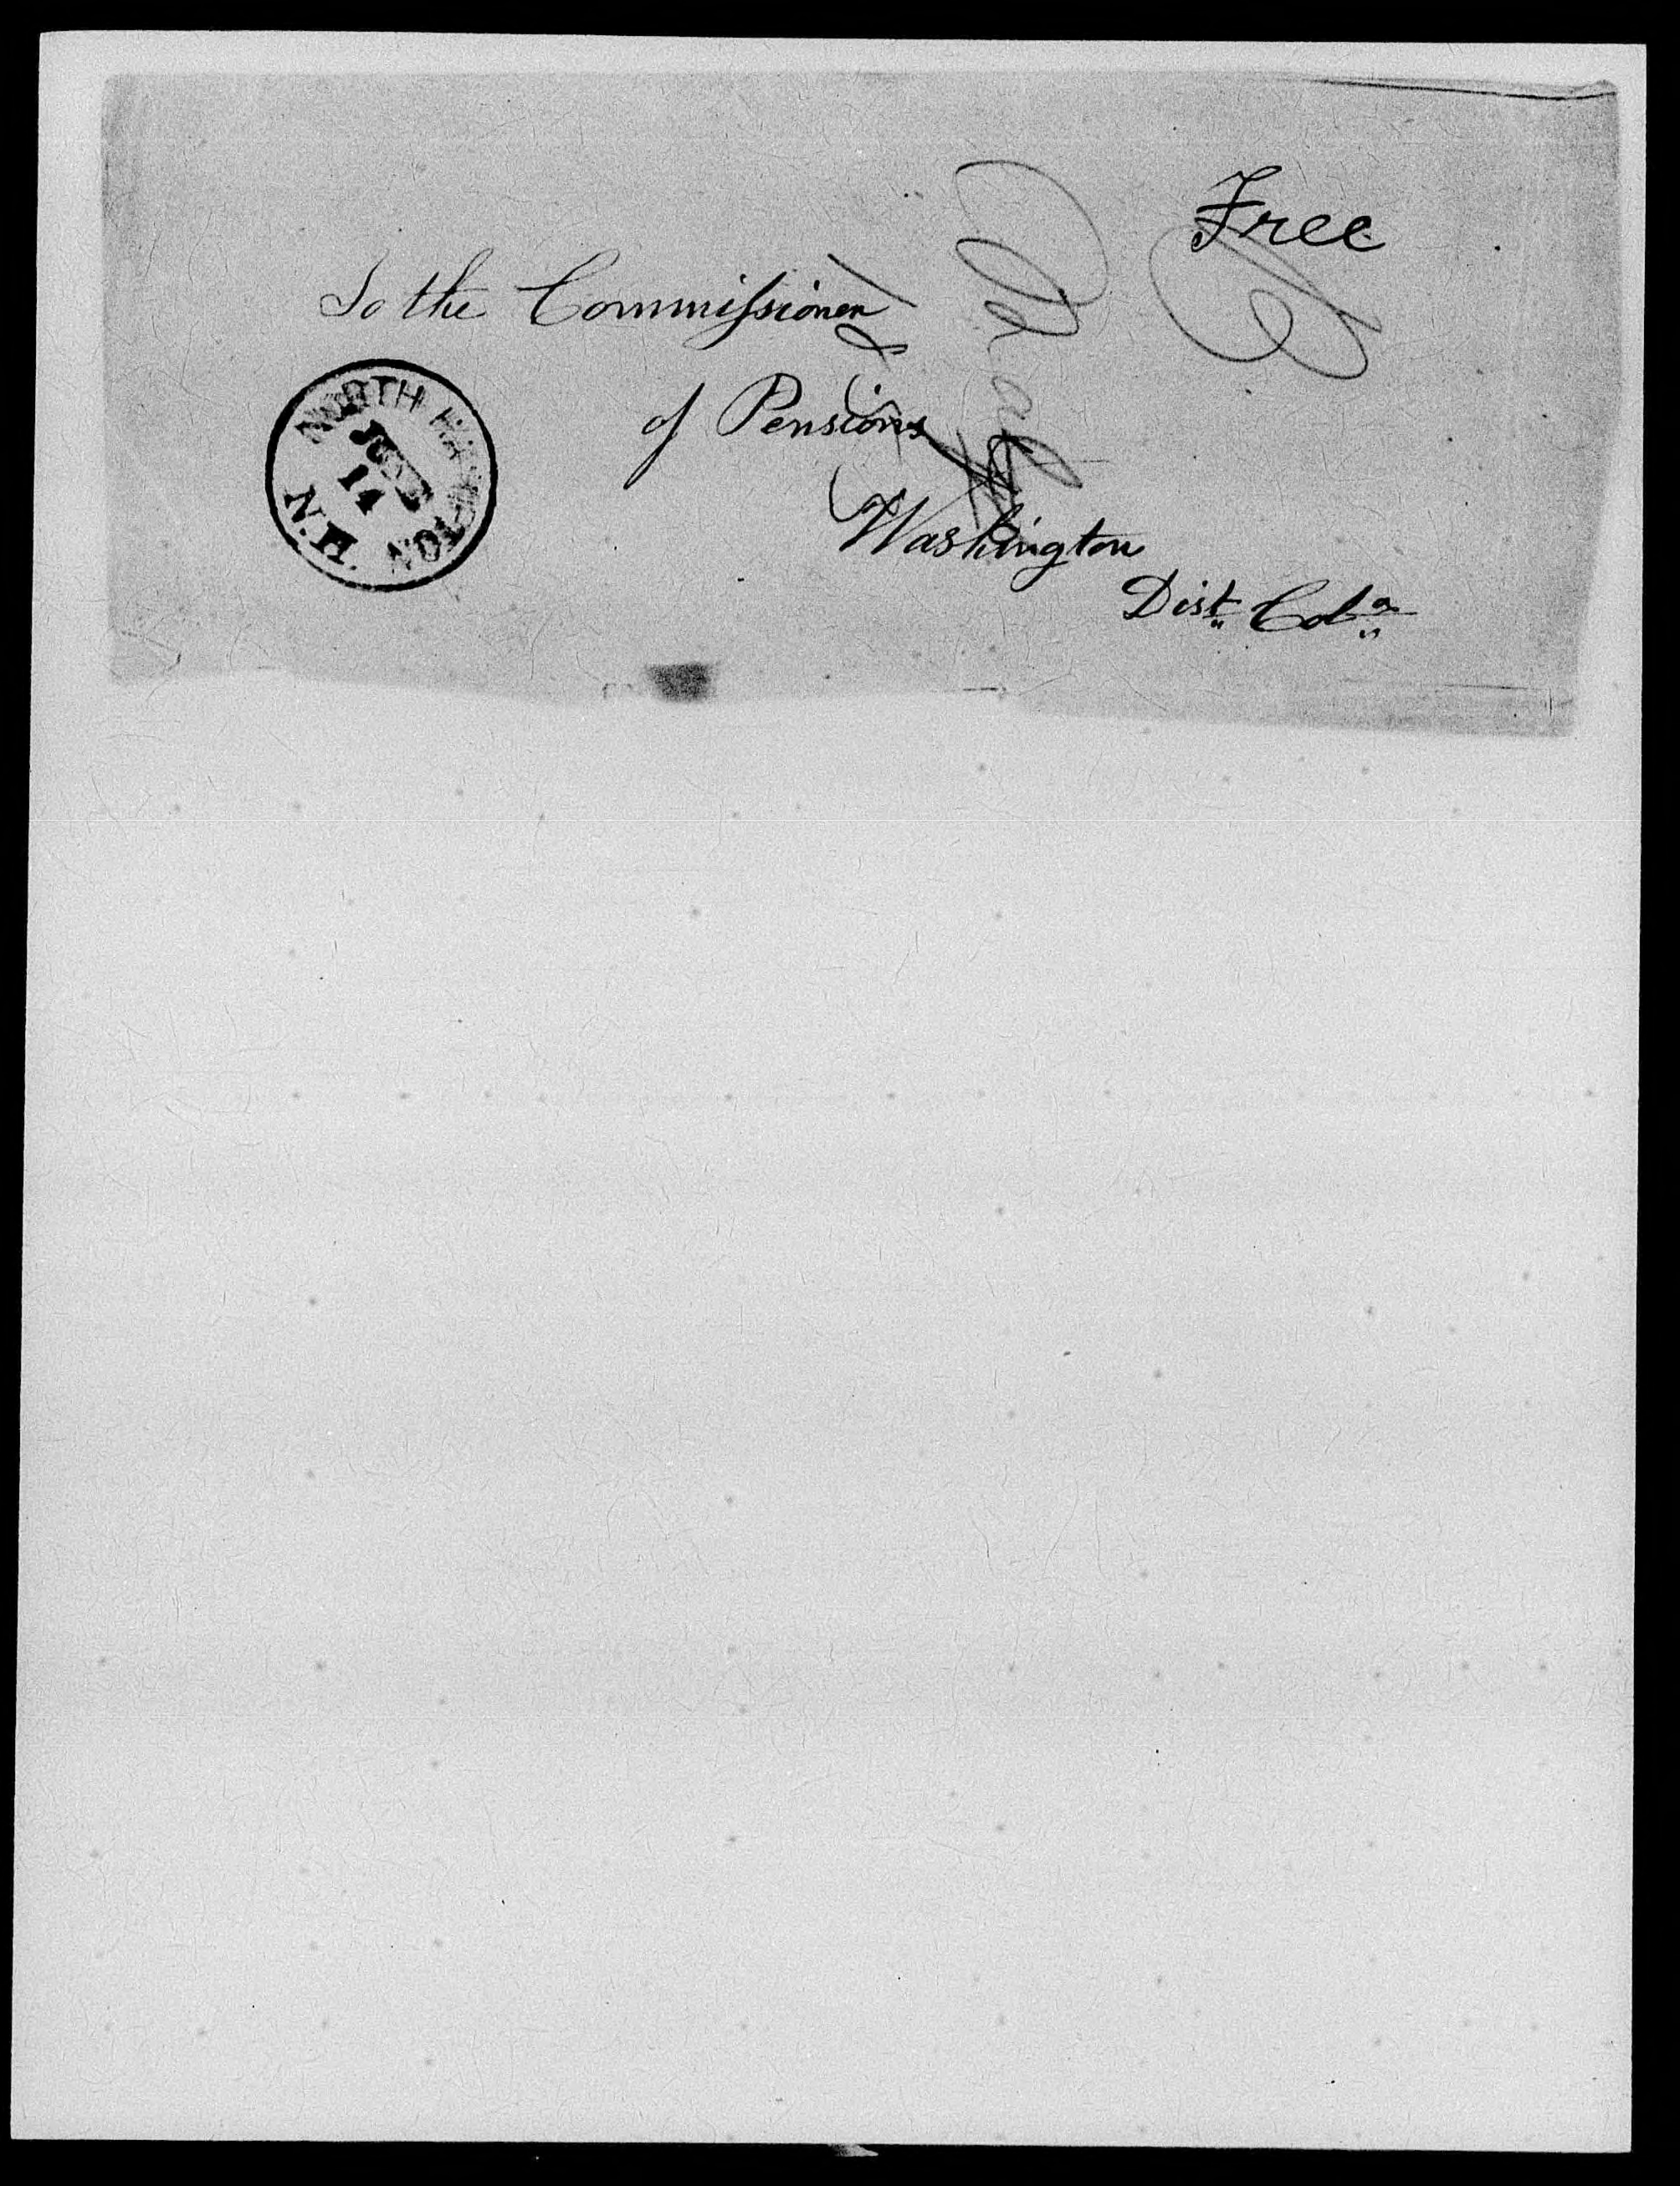Free [postage]
To the Commissioner of Pensions
Washington Dist. Col [DISTRICT OF COLUMBIA]

[stamp] NORTH HAMPTON JUNE 14 N.H.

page: 27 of 53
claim: widow's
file: W. 492, for Daniel Lamprey, New Hampshire